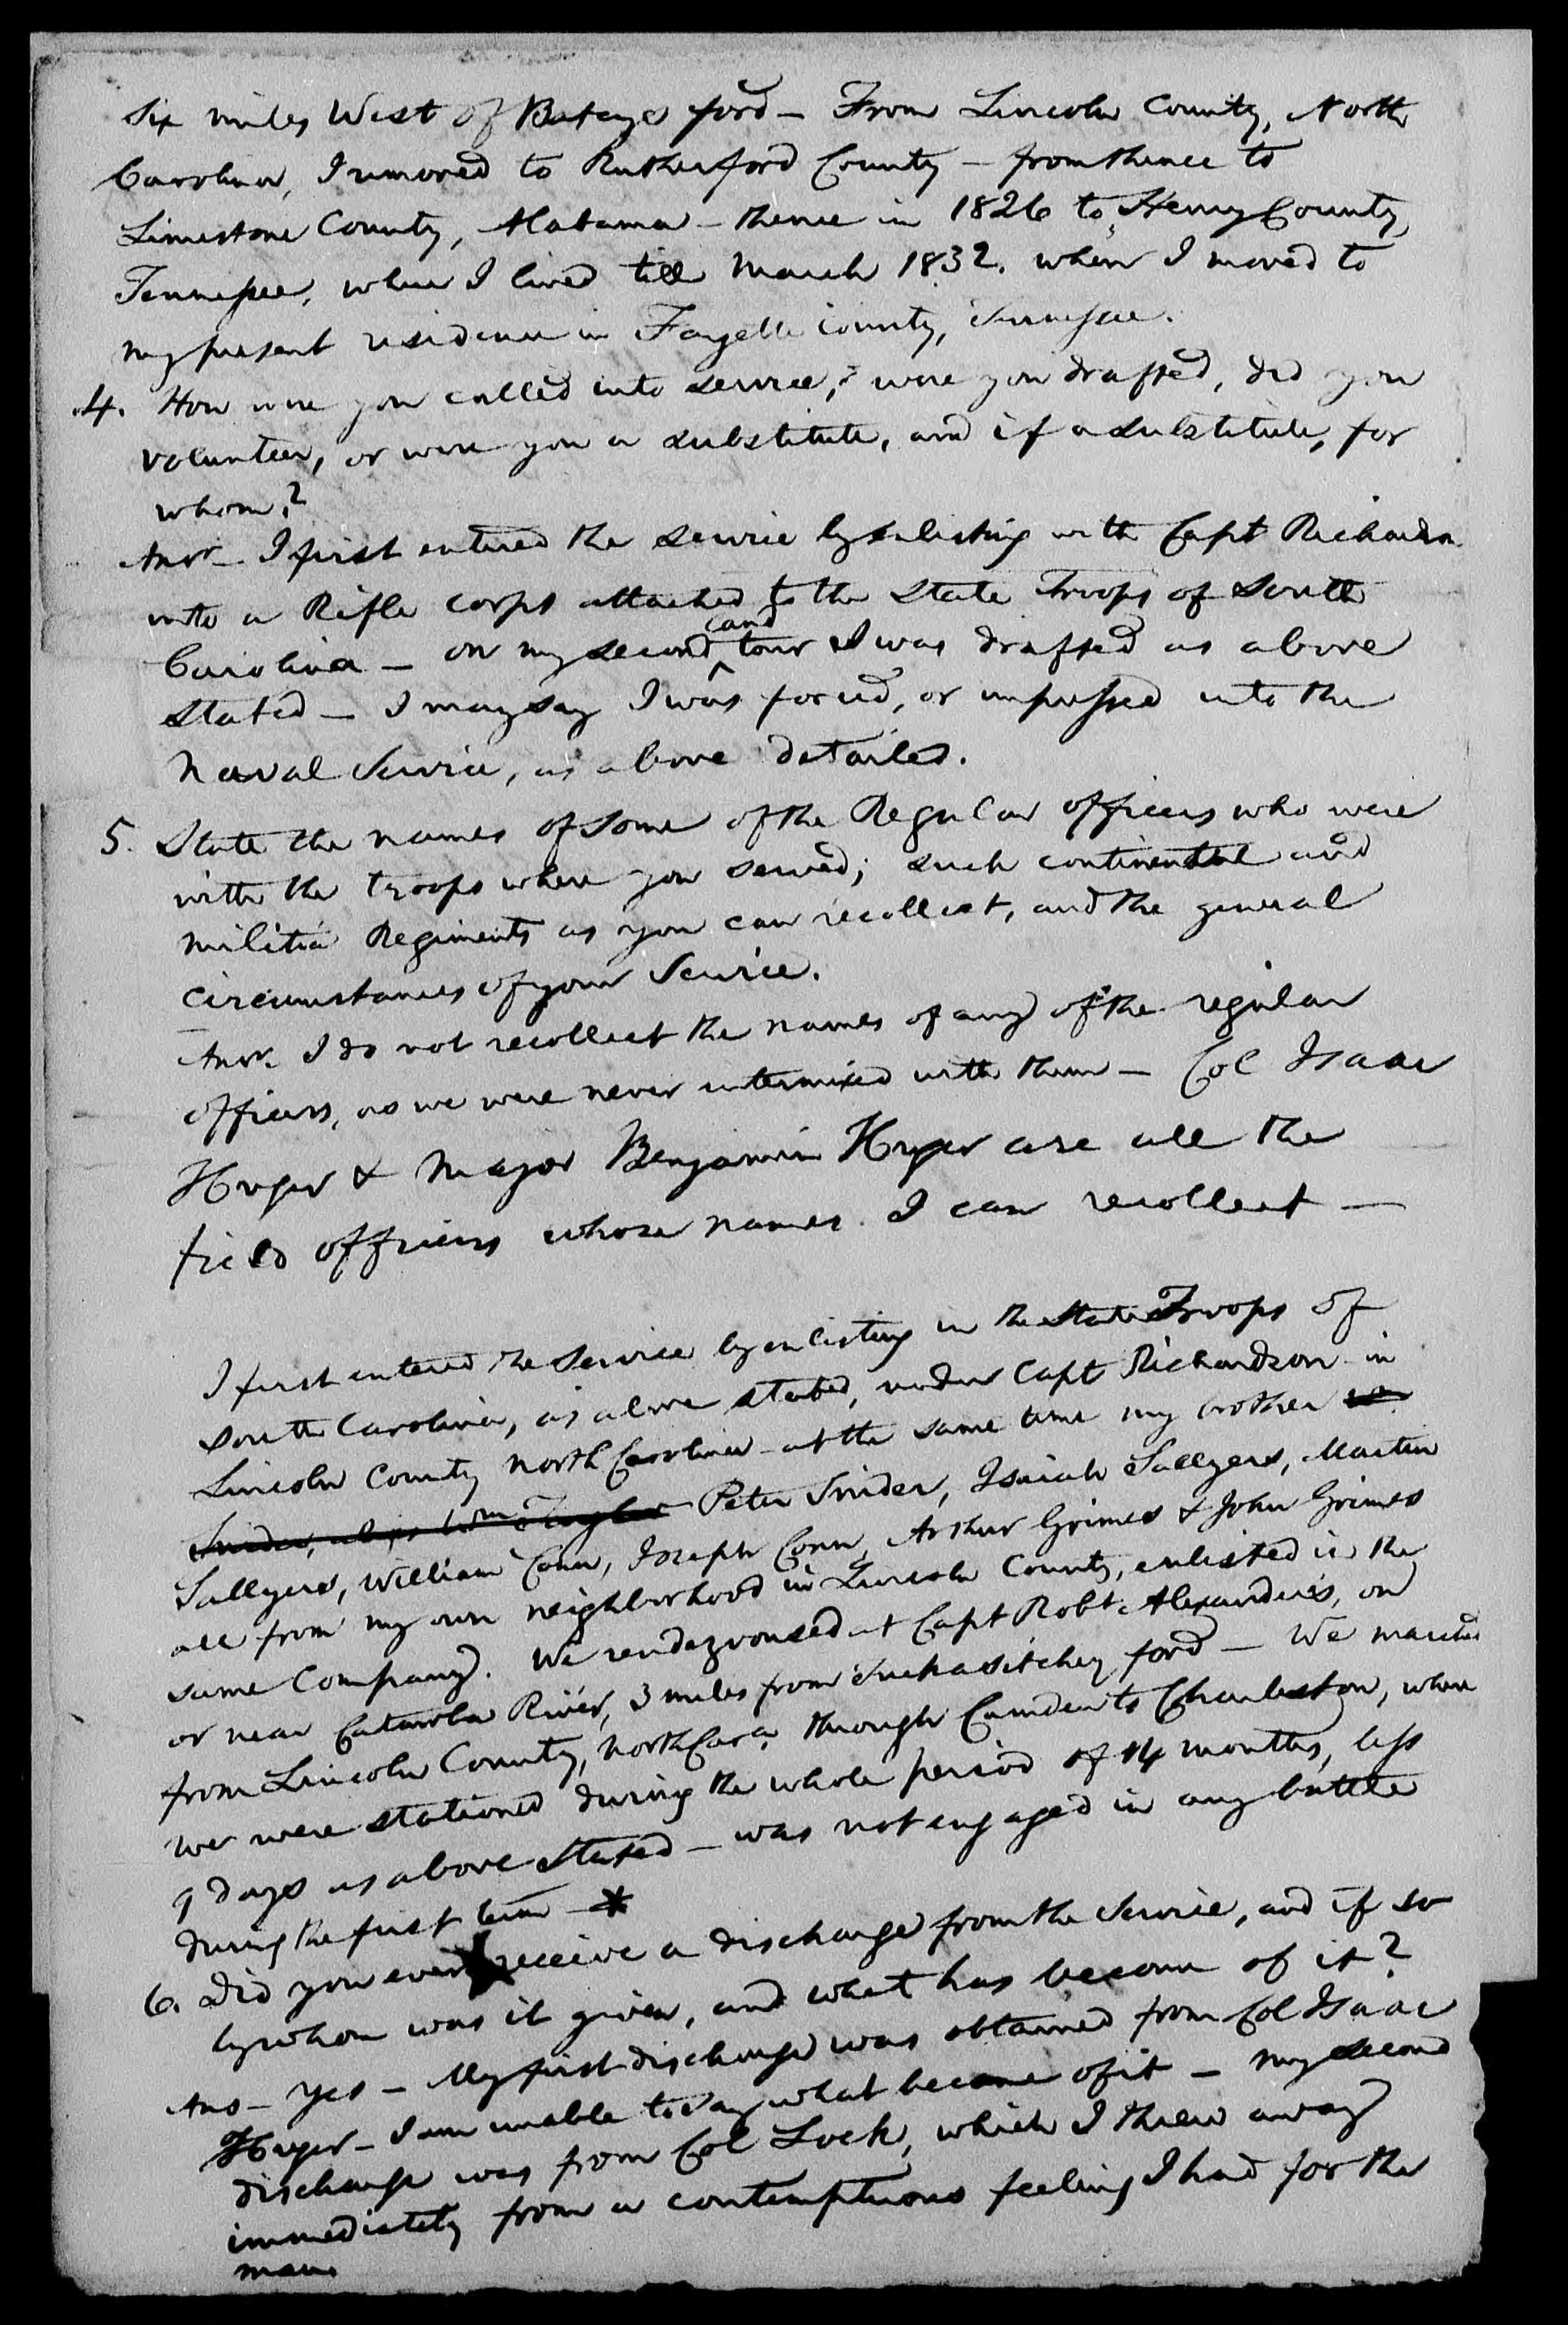six miles West of Bateys Ford. From Lincoln County, North Carolina, I removed to Rutherford County- from thence to Limestone County, Alabama, thence in 1826 to Henry County, Tennessee, where I lived till March 1832, when I moved to my present residence in Fayette County, Tennessee. 
4. How were you called into service; were you drafted, did you volunteer, or were you a substitute, and if a substitute, for whom? Ans. I first entered the service by enlisting with Capt Richardson into a Rifle Corps attached to the State Troops of South Carolina. On my second tour I was drafted as above stated. I may say I was forced, or impressed into the Naval Service, as above detailed.
5. State the names of some of the Regular officers who were with the troops where you served; such continental and militia Regiments as you can recollect, and the general circumstances of your service. Ans. I do not recollect the names of any of the regular officers, as we were never intermixed with them-- Col Isaac Huger & Major Benjamin Huger are all the field officers whose names I can recollect.
I first entered the service by enlisting in the State Troops of South Carolina, as above stated, under Capt Richardson in Lincoln County North Carolina - at the same time my brother Peter Snider, Isaiah Salyers, Martin Salyers, William Corn, Joseph Corn, Arthur Grimes & John Grimes all from my own neighborhood in Lincoln County, enlisted in the same Company. We rendezvoused at Capt Robt Alexander's, on or near Catawba River, 3 miles from Tuckasitchy Ford. We marched from Lincoln County, North Cara. through Camden to Charleston, when we were stationed during the whole period of 14 months, less 9 days as above stated - was not engaged in any battle during the first term * [see * notice on next image]
6. Did you receive a discharge from the service, and if so by whom was it given, and what has become of it? Ans. yes - My first discharge was obtained from Col Isaac Huger - I am unable to say what became of it - my second discharge was from Col Lock, which I threw away immediately from a contemptuous feeling I had for the man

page: 7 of 33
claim: rejected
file: R 10439, for William Taylor, North Carolina